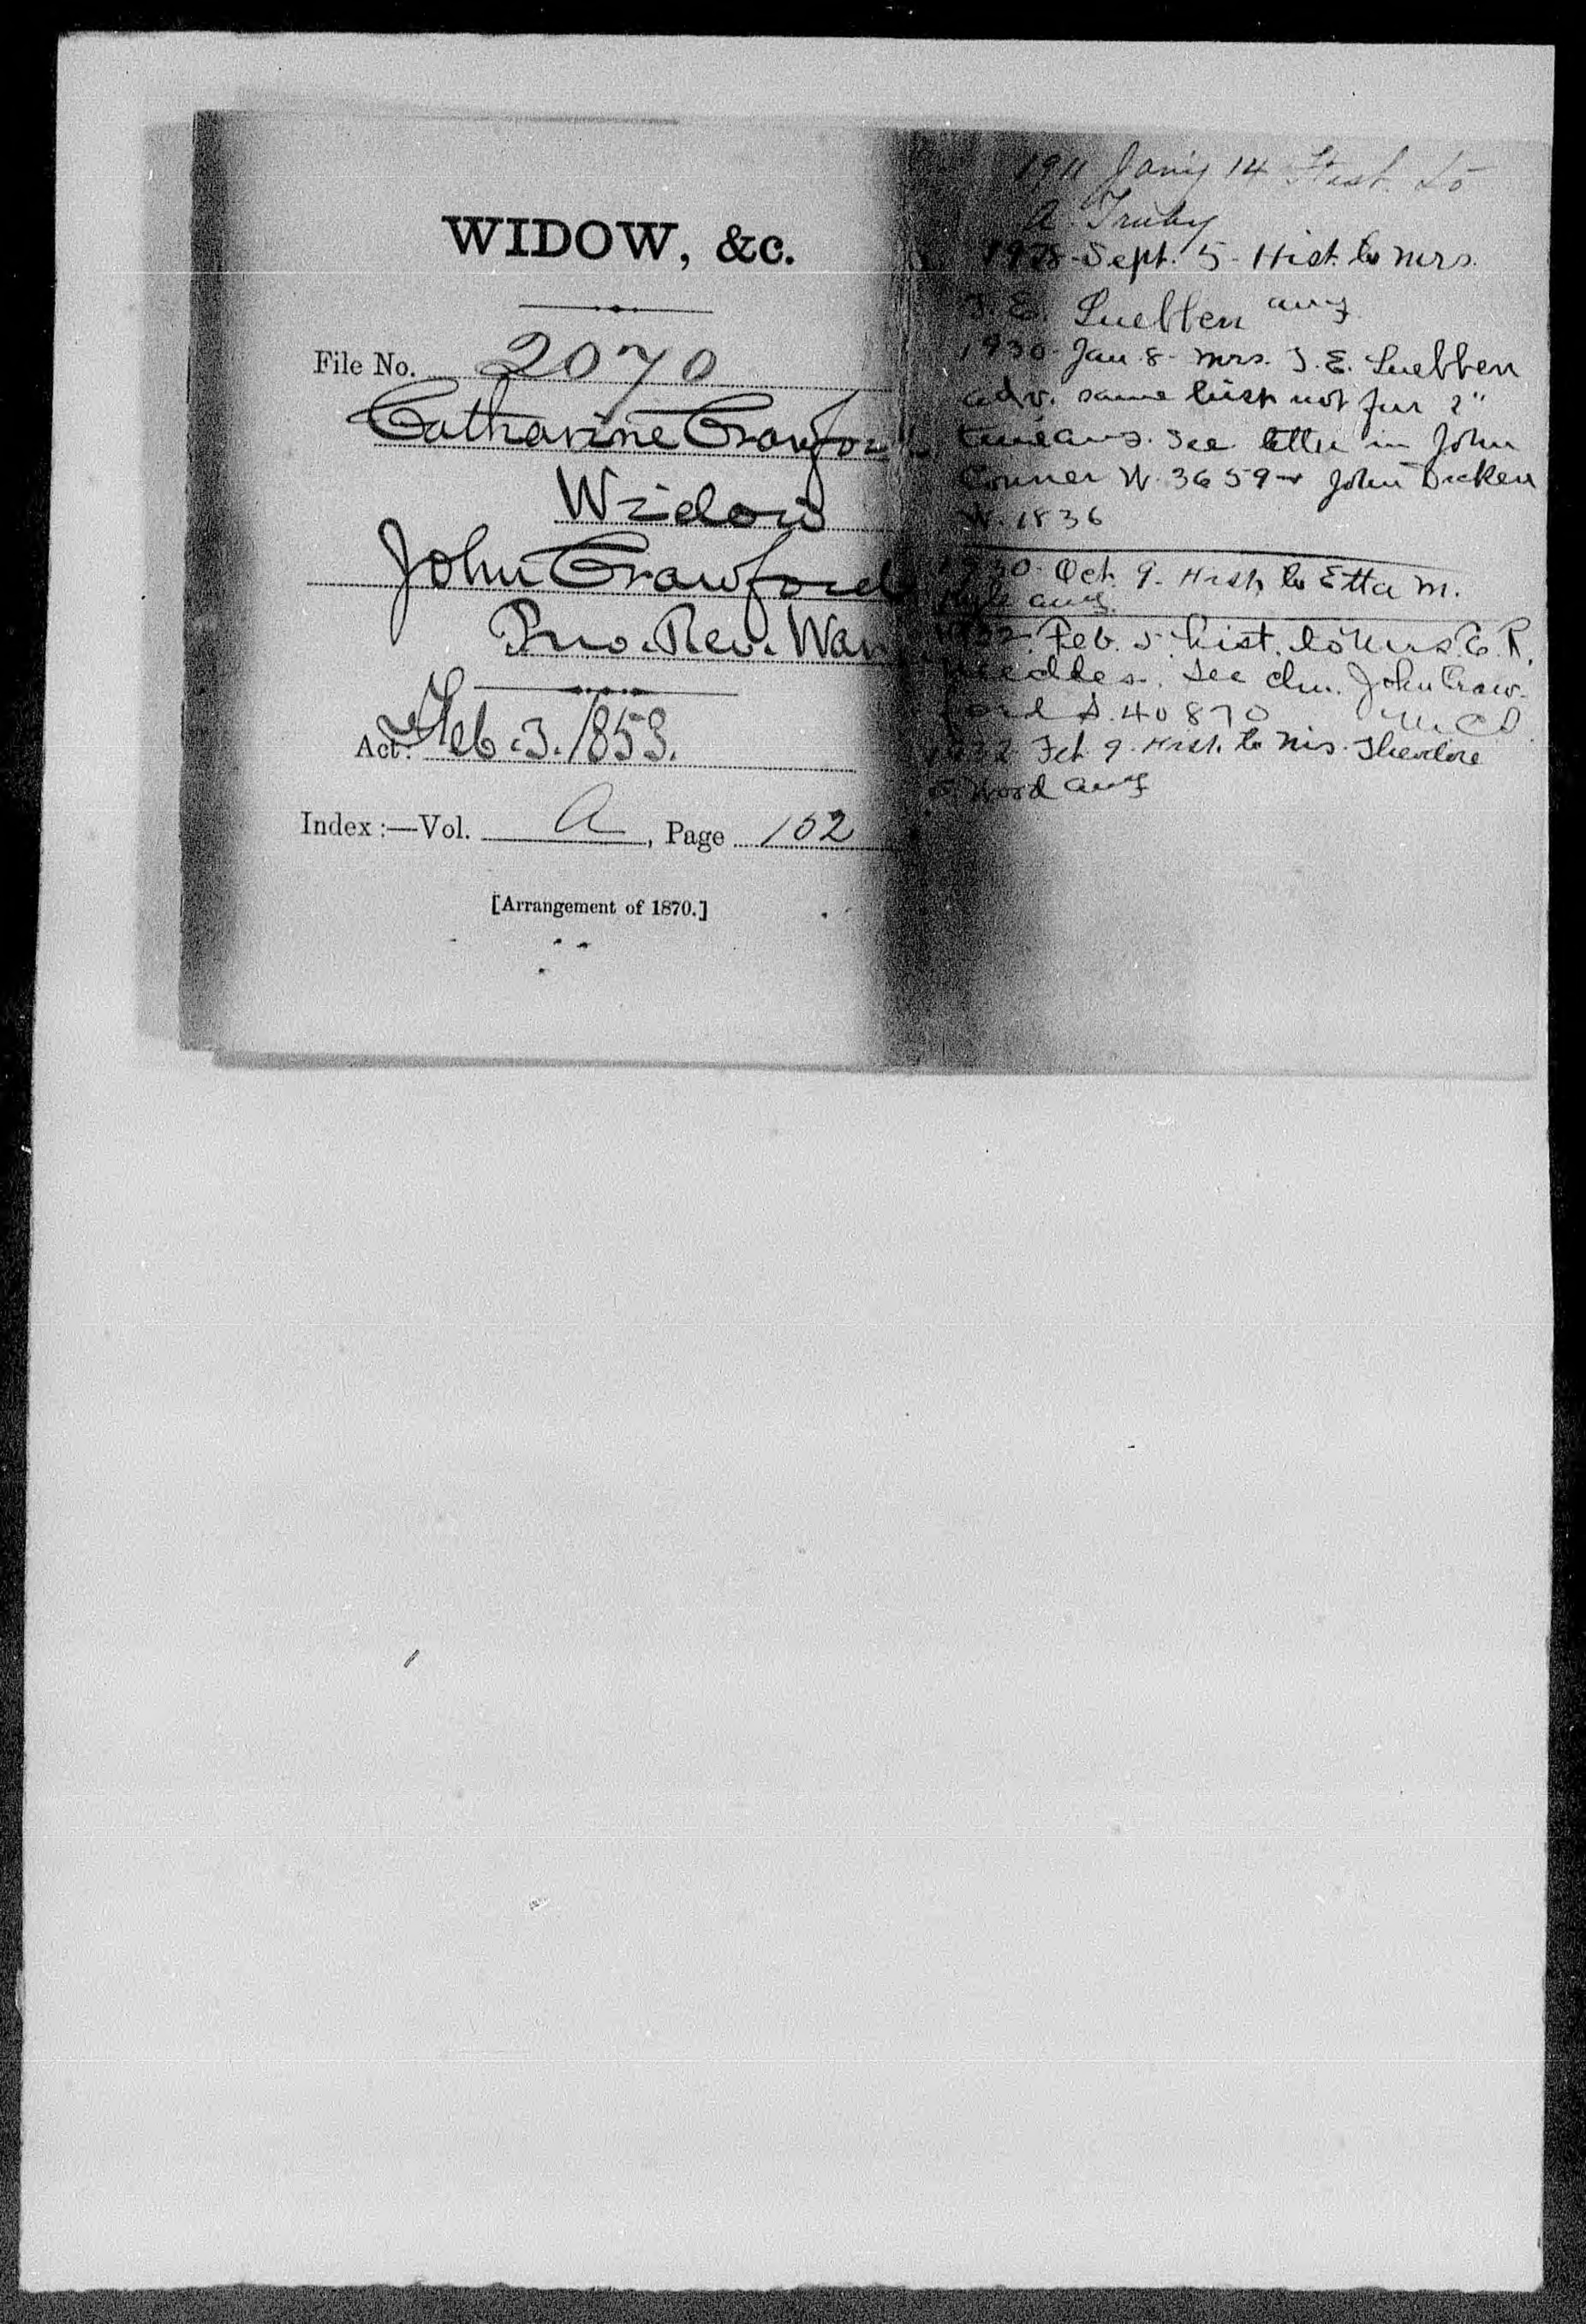[left side]
WIDOW, &c.
File No. 2070

Catharine Crawford widow
John Crawford
Pri Rev War
Act Feb. 3. 1853.
Index: -- Vol. A. Page 102
[Arrangement of 1870.]

[right side, smudged on left ]
1911 Jany 14 Hist to A. Truby

1928 Sept 5. Hist. to Mrs
Pulten
28 Jan Mrs. T.E. Luebben AWF

1930 Jan 8 Mrs. T.E. Luebben adv. same hist not for 2" [illegible] see letter in John Conner W3659 - John Decker W. 1836

1930  Oct. 9. Hist be Etta M. Kyle AWF

1932 Feb. 5 Hist to Mrs. C.R. Nedles See clm John Crawford S. 40870 WCS

1932 Feb 9 Fish to Mrs. Theodore Wood AWF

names: Catharine Crawford, T E Luebben, Etta M Kyle, John Crawford, John Tunner, T E Luebben, John Dicken, E R Nedles, John Crawford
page: 66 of 80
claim: widow's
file: W 2070, John Crawford, Penn.